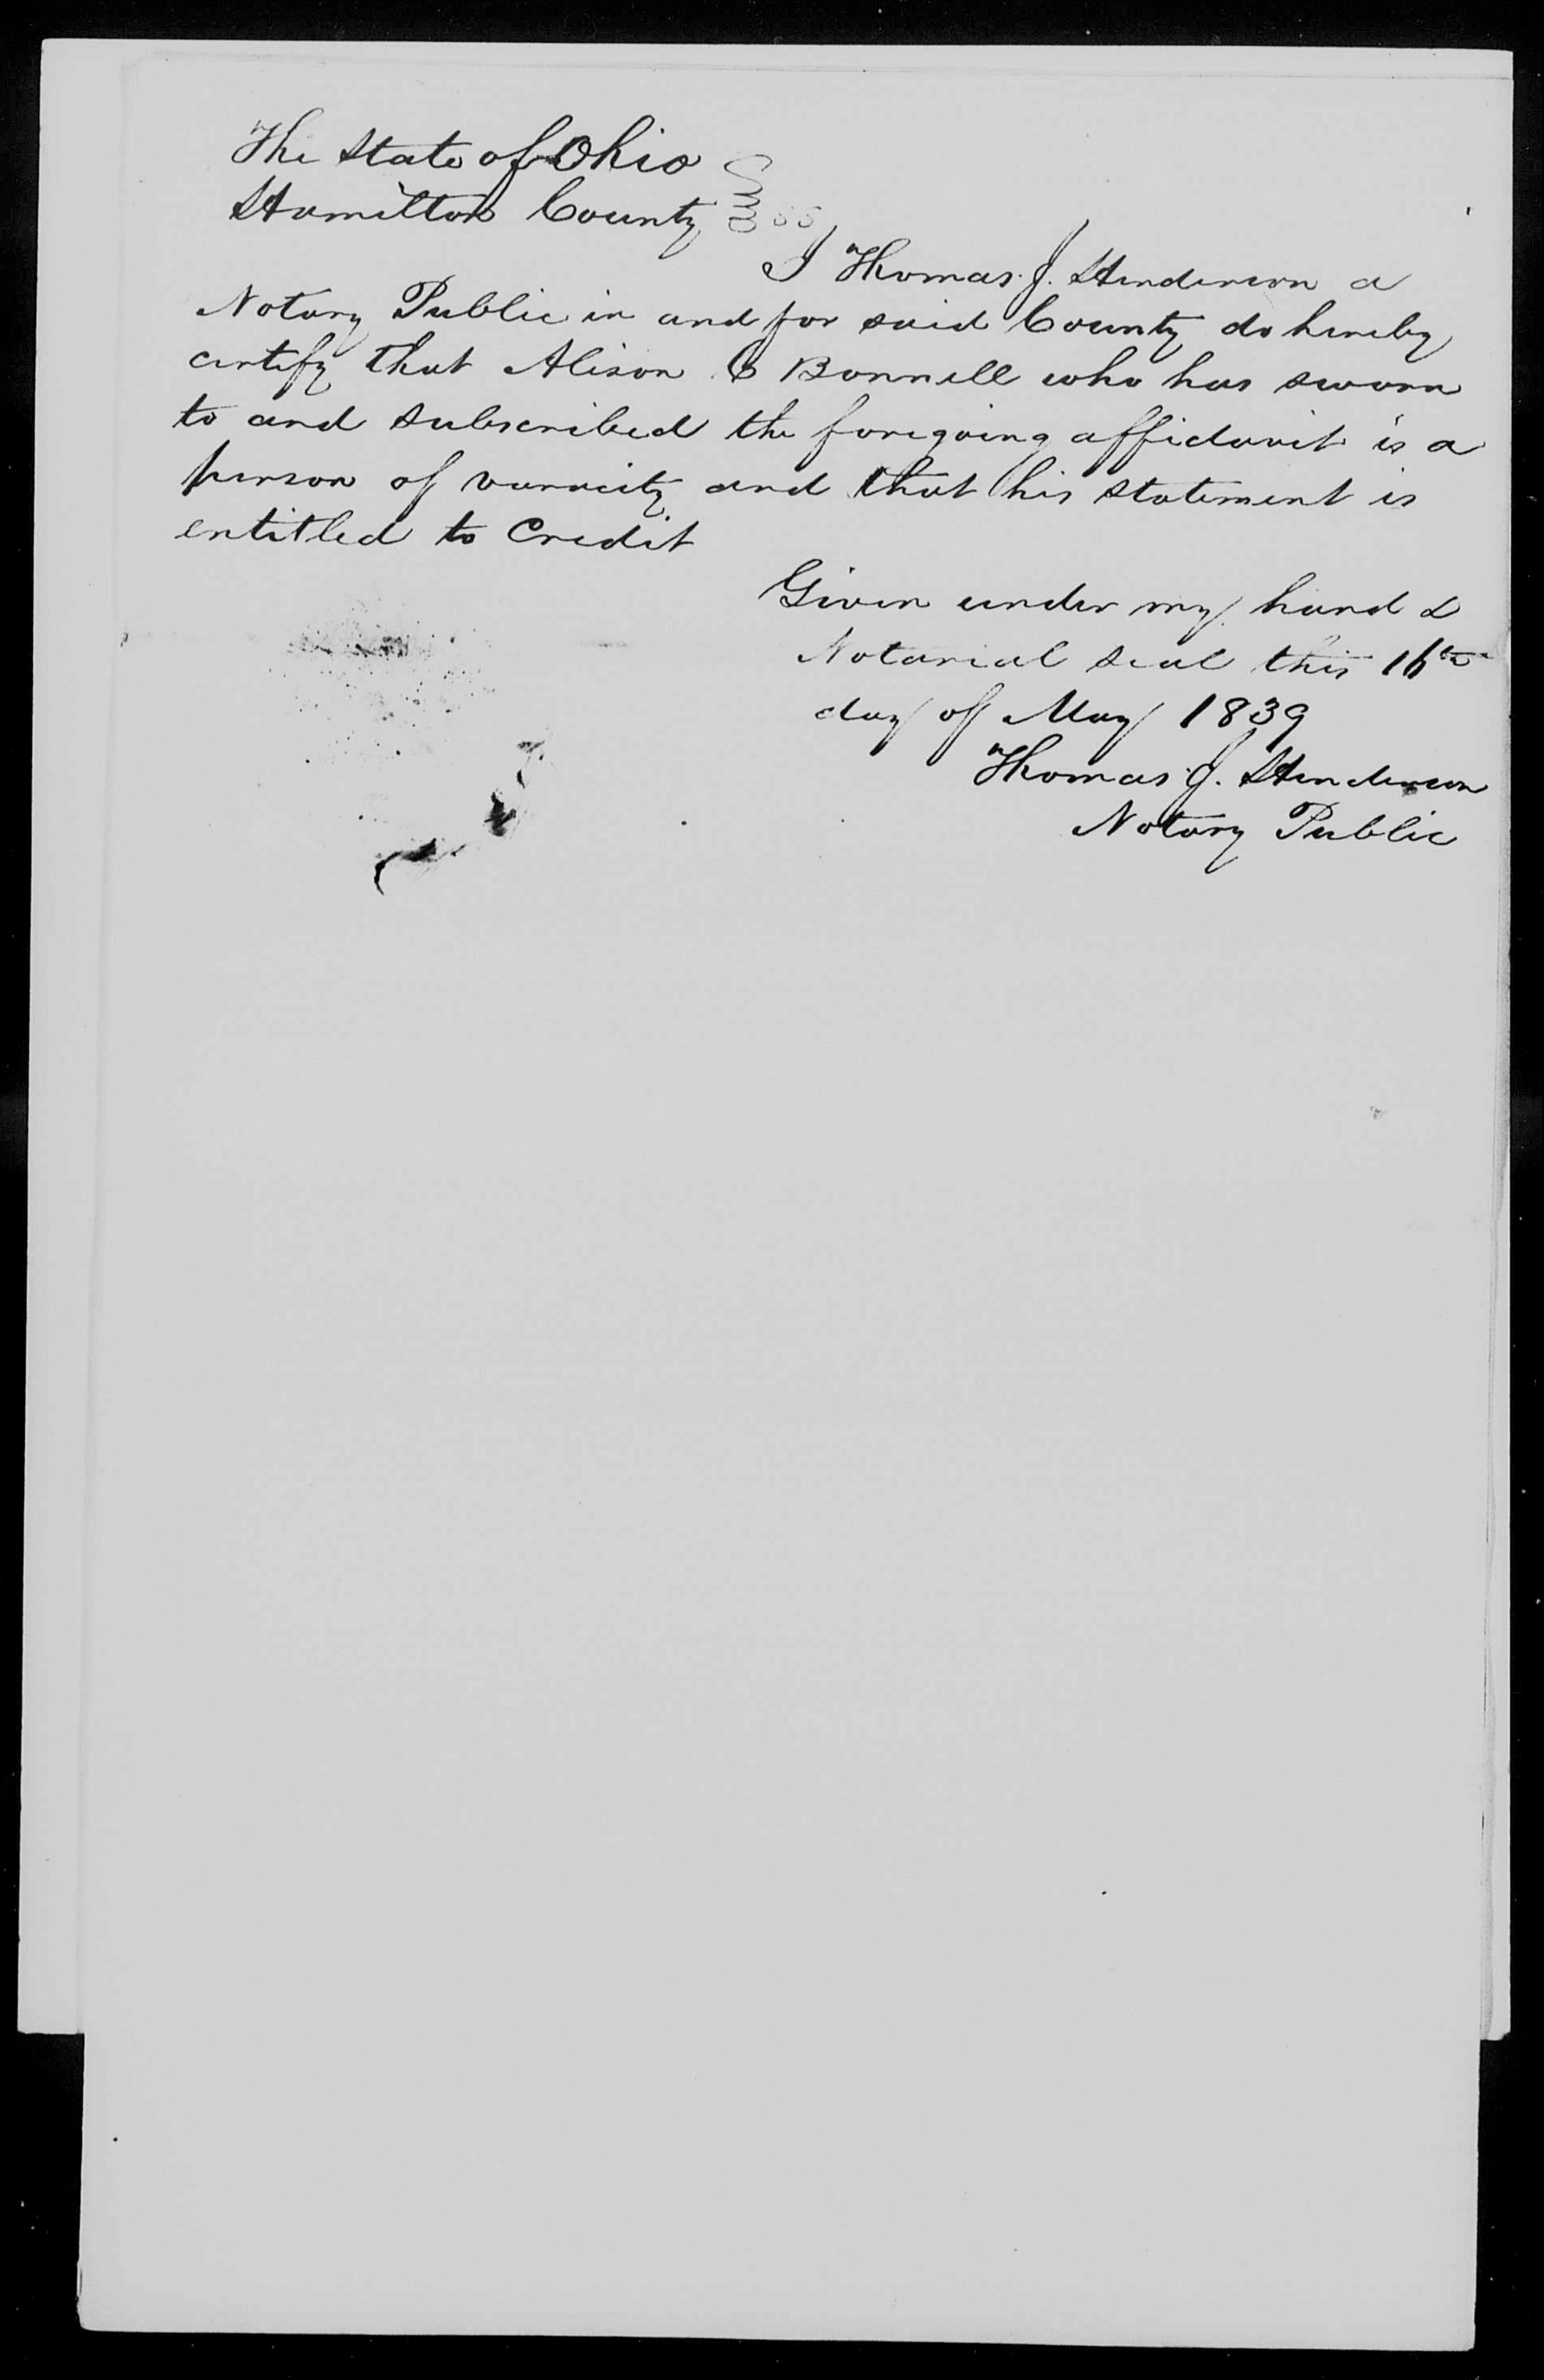The State of Ohio
Hamilton County }ss.
I Thomas J. Henderson a Notary Public in and for said County do hereby certify that Alison C. Bonn ell who has sworn to and subscribed the foregoing affidavit is a person of veracity and that his statement is entitled to credit.
Given under my hand & Notarial seal this 16th day of May 1839
Thomas J. Henderson
Notary Public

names: Alison C Bonnell, Thomas J Henderson, Thomas J Henderson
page: 18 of 67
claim: rejected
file: R. 1009, Aaron Bonnel, New Jersey